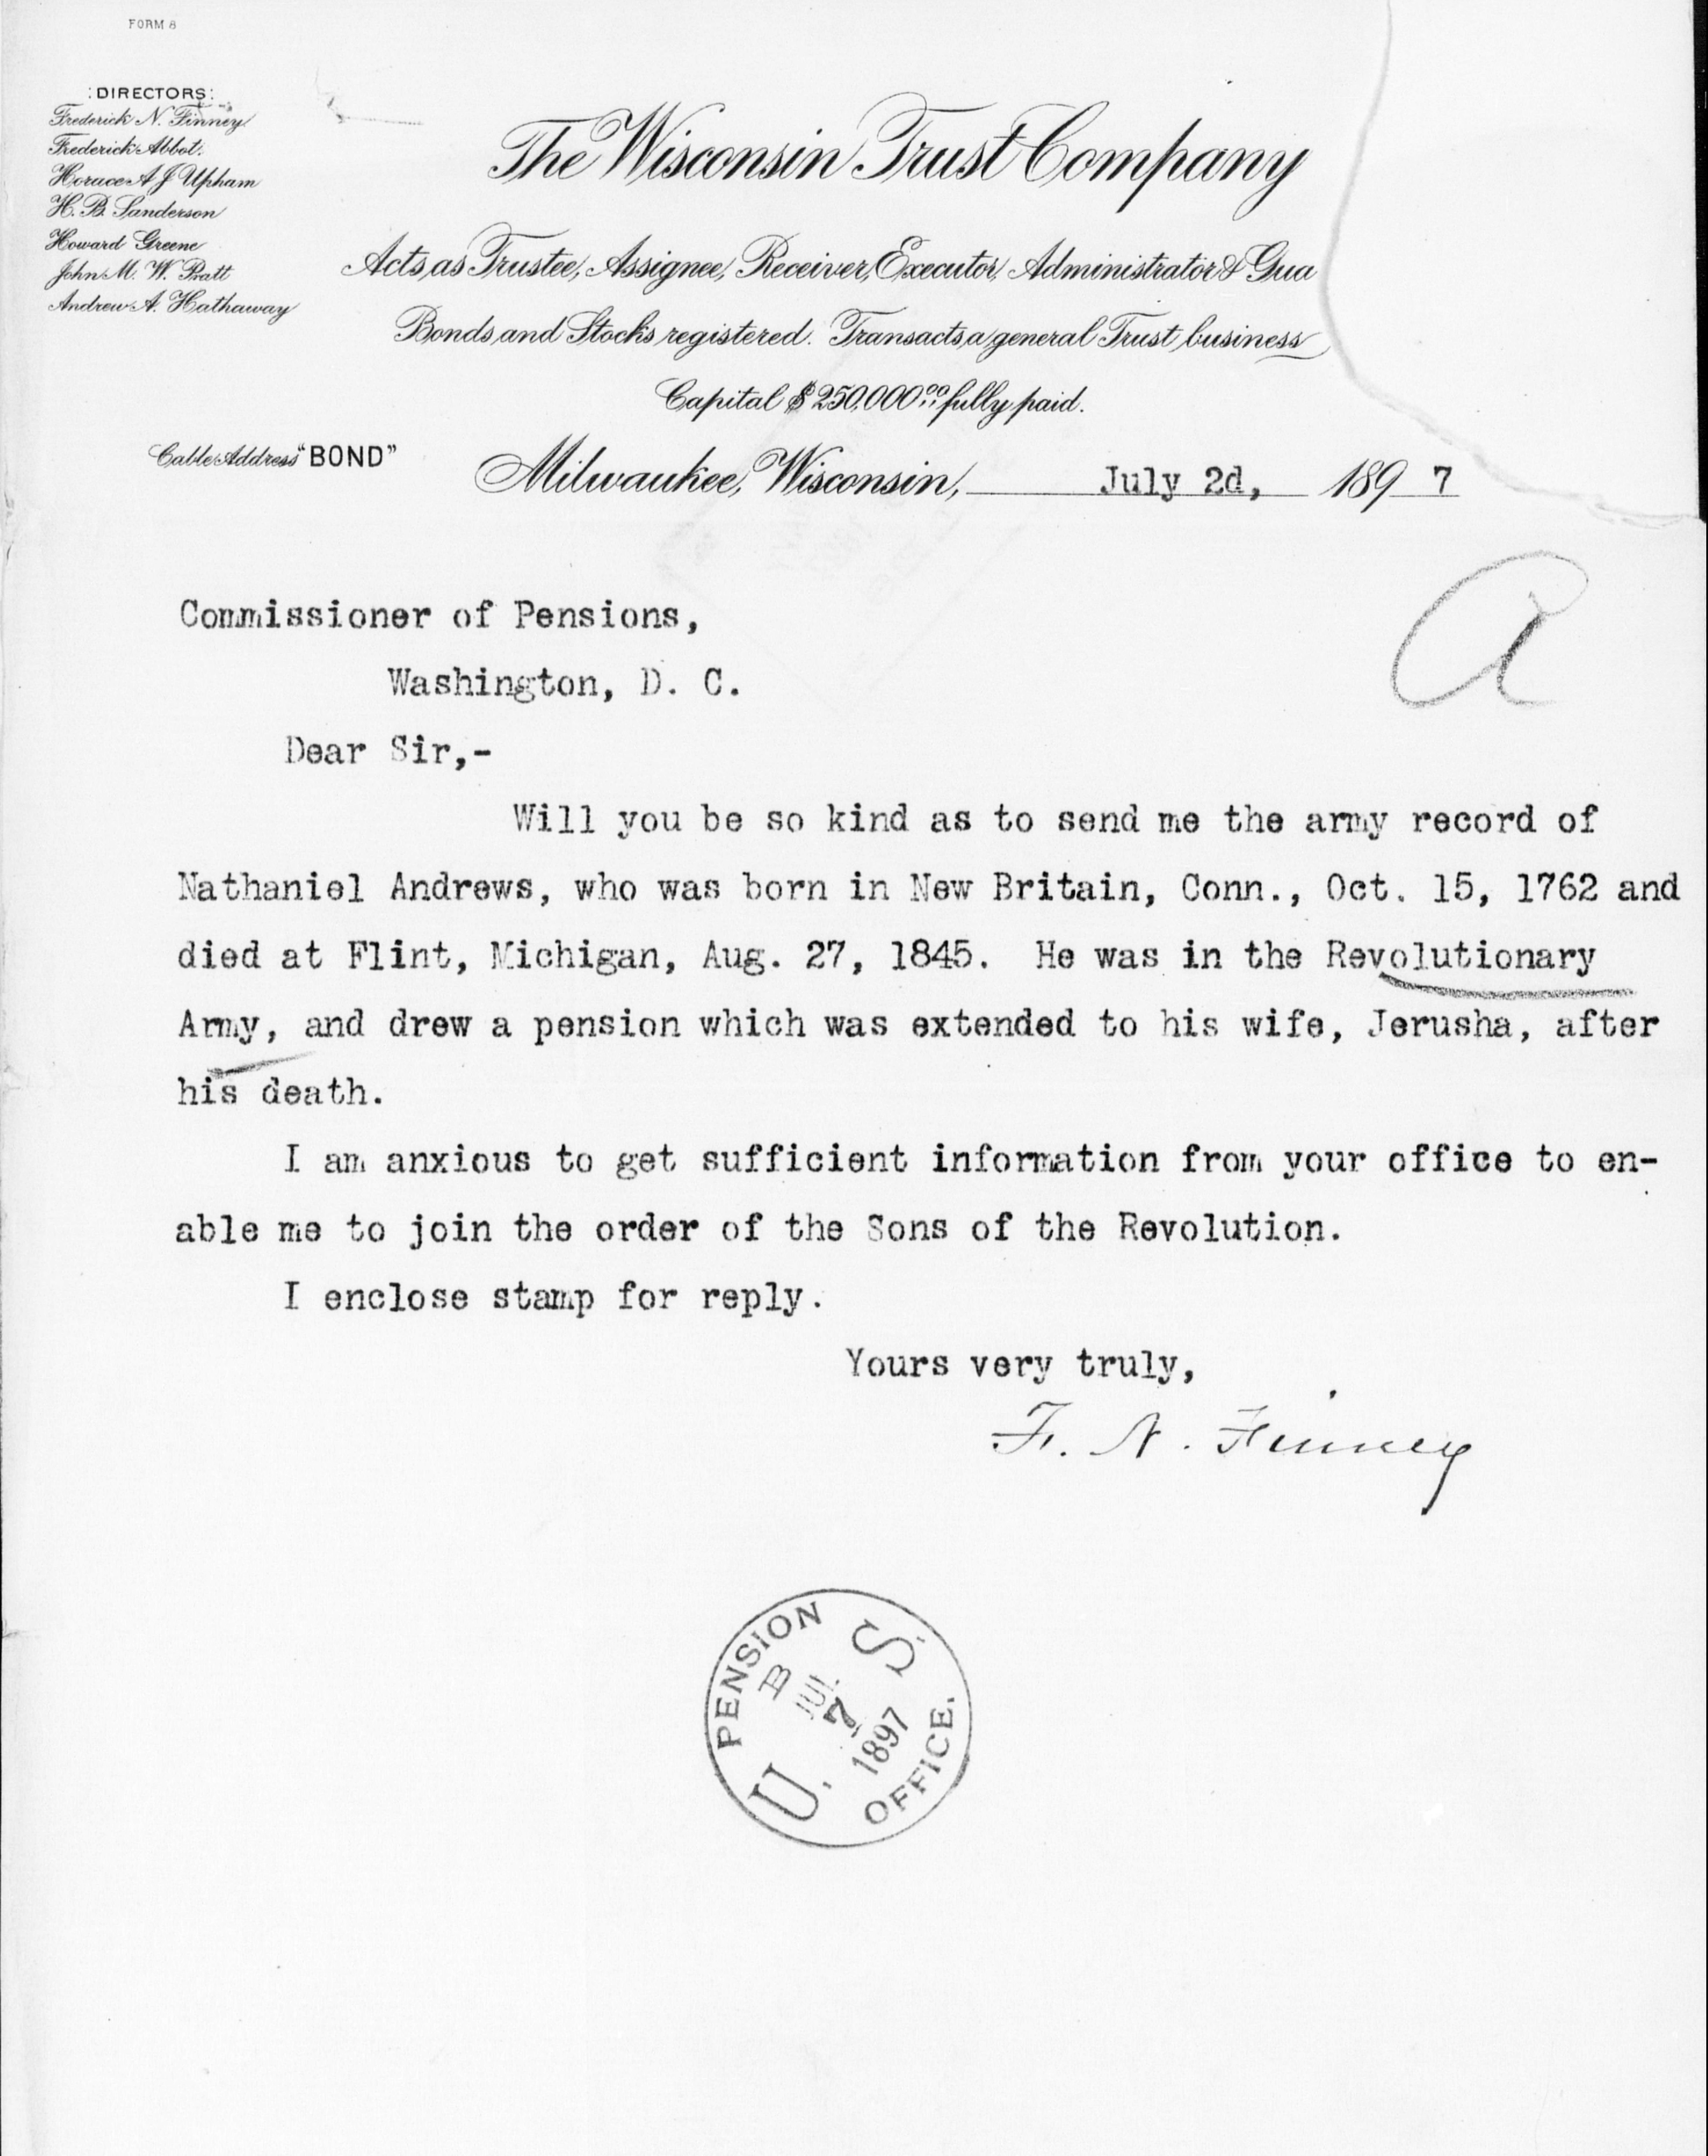FORM 8
DIRECTORS:
Frederick N. Finney
Frederick Abbot
Horace A J Upham
H. B. Sanderson
Howard Greene
John M. W. Pratt
Andrew A. Hathaway
Cable Address' BOND"
The Wisconsin Trust Company
Acts as Trustee, Assignee, Receiver, Executor, Administrator & Gua
Bonds and Stock's registered. Transacts a general Trust business
Capital $250,000.00 fully paid.
Milwaukee, Wisconsin, July 2, 1897
Commissioner of Pensions,
Washington, D. C.
Dear Sir, -
Will you be so kind as to send me the army record of
Nathaniel Andrews, who was born in New Britain, Conn., Oct. 15, 1762 and
died at Flint, Michigan, Aug. 27, 1845. He was in the Revolutionary
Army, and drew a pension which was extended to his wife, Jerusha, after
his death.
I am anxious to get sufficient information from your office to enable
me to join the order of the Sons of the Revolution.
I enclose stamp for reply.
Yours very truly,
F. N. Finney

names: H B Sanderson, Andrew A Hathaway, John M W Pratt, Frederick Abbot, F W Finney, Frederick N Finney, Howard Greene, Horace A J Upham, Nathaniel Andrews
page: 65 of 78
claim: widow's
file: W. 4117, Nathaniel Bradley, Conn.